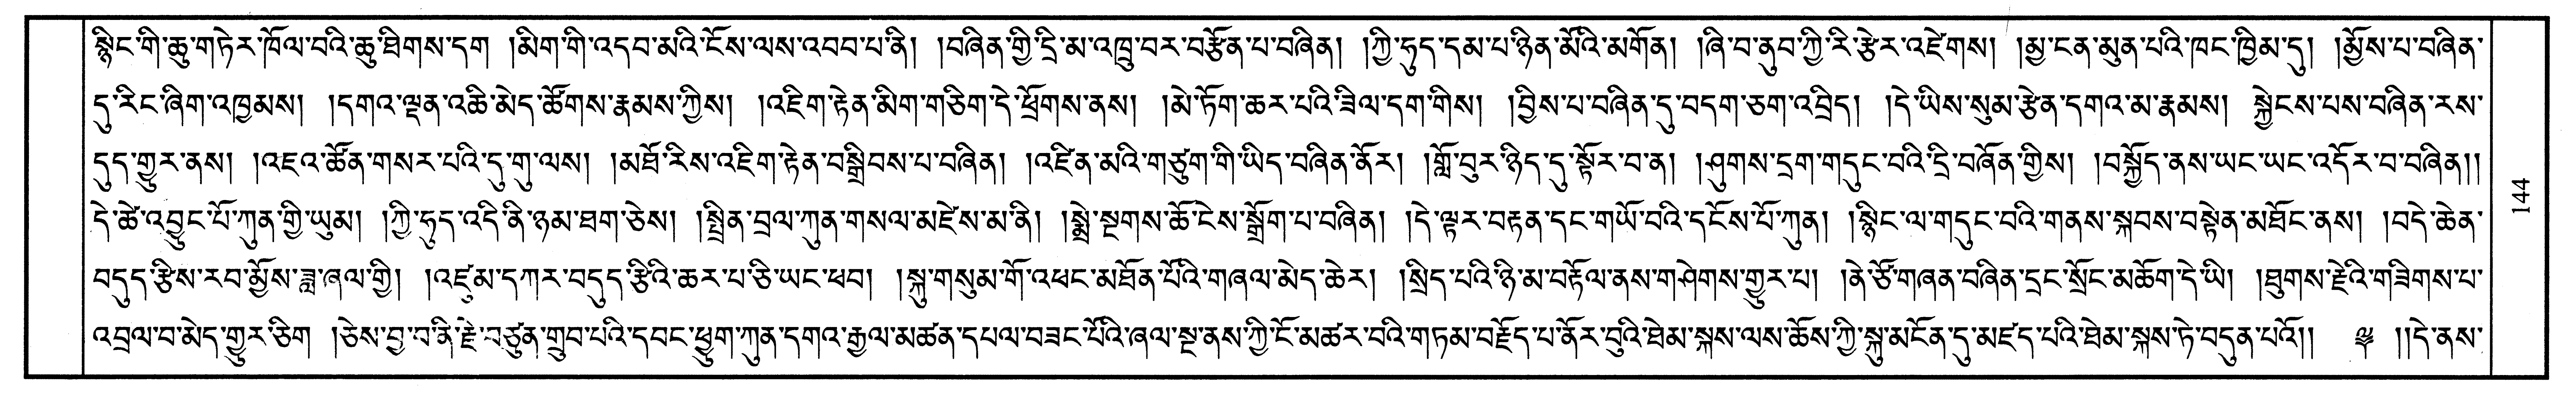སྙིང་གི་ཆུ་གཏེར་ཁོལ་བའི་ཆུ་ཐིགས་དག །མིག་གི་འདབ་མའི་ངོས་ལས་འབབ་པ་ནི། །བཞིན་གྱི་དྲི་མ་འཁྲུ་བར་བརྩོན་པ་བཞིན། །ཀྱི་ཧུད་དམ་པ་ཉིན་མོའི་མགོན། །ཞི་བ་ནུབ་ཀྱི་རི་རྩེར་འཛེགས། །མྱ་ངན་མུན་པའི་ཁང་ཁྱིམ་དུ། །མྱོས་པ་བཞིན་
དུ་རིང་ཞིག་འཁྱམས། །དགའ་ལྡན་འཆི་མེད་ཚོགས་རྣམས་ཀྱིས། །འཇིག་རྟེན་མིག་གཅིག་དེ་ཕྲོགས་ནས། །མེ་ཏོག་ཆར་པའི་ཟིལ་དག་གིས། །བྱིས་པ་བཞིན་དུ་བདག་ཅག་འབྲིད། །དེ་ཡིས་སུམ་རྩེན་དགའ་མ་རྣམས། སྐྱེངས་པས་བཞིན་རས་
དུད་གྱུར་ནས། །འཇའ་ཚོན་གསར་པའི་དུ་གུ་ལས། །མཐོ་རིས་འཇིག་རྟེན་བསྒྲིབས་པ་བཞིན། །འཛིན་མའི་གཙུག་གི་ཡིད་བཞིན་ནོར། །གློ་བུར་ཉིད་དུ་སྟོར་བ་ན། །ཤུགས་དྲག་གདུང་བའི་དྲི་བཞོན་གྱིས། །བསྐྱོད་ནས་ཡང་ཡང་འདོར་བཞིན། །
དེ་ཚེ་འབྱུང་པོ་ཀུན་གྱི་ཡུམ། །ཀྱི་ཧུད་འདི་ནི་ཉམ་ཐག་ཅེས། །སྤྲིན་བྲལ་ཀུན་གསལ་མཛེས་མ་ནི། །སྨྲེ་སྔགས་ཆོ་ངེས་སྒྲོག་པ་བཞིན། །དེ་ལྟར་བརྟན་དང་གཡོ་བའི་དངོས་པོ་ཀུན། །སྙིང་ལ་གདུང་བའི་གནས་སྐབས་བསྟེན་མཐོང་ནས། །བདེ་ཆེན་
བདུད་རྩིས་རབ་མྱོས་ཟླ་ཞལ་གྱི། །འཛུམ་དཀར་བདུད་རྩིའི་ཆར་པ་ཅི་ཡང་ཕབ། །སྐུ་གསུམ་གོ་འཕང་མཐོན་པོའི་གཞལ་མེད་ཆེར། །སྲིད་པའི་ཉི་མ་བརྟོལ་ནས་གཤེགས་གྱུར་པ། །ནེ་ཙོ་གཞན་བཞིན་དྲང་སྲོང་མཆོག་དེ་ཡི། །ཐུགས་རྗེའི་གཟིགས་པ་
འབྲལ་བ་མེད་གྱུར་ཅིག །ཅེས་བྱ་བ་ནི་རྗེ་བཙུན་གྲུབ་པའི་དབང་ཕྱུག་ཀུན་དགའ་རྒྱལ་མཚན་དཔལ་བཟང་པོའི་ཞལ་སྔ་ནས་ཀྱི་ངོ་མཚར་བའི་གཏམ་བརྗོད་པ་ནོར་བུའི་ཐེམ་སྐས་ལས་ཆོས་ཀྱི་སྐུ་མངོན་དུ་མཛད་པའི་ཐེམ་སྐས་ཏེ་བདུན་པའོ།། ༈ །།དེ་ནས་